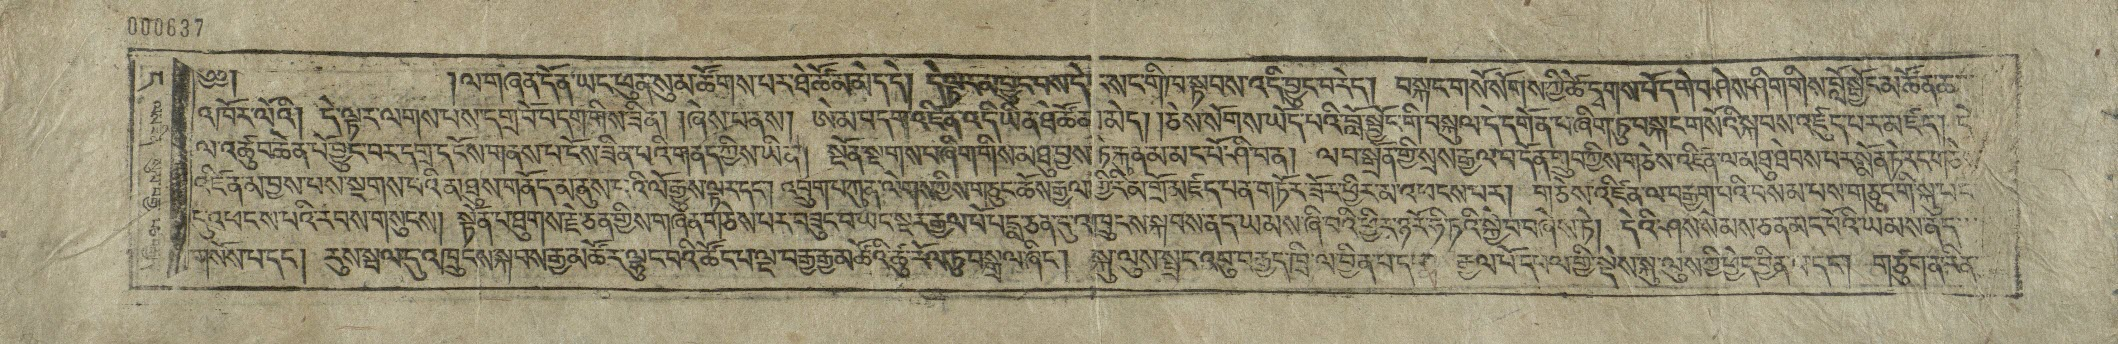༄༅། །ལ་གཞན་དོན་ཡང་ཕུན་སུམ་ཚོགས་པར་ཐེ་ཚོམ་མེད་དེ། དེ་ལྟར་མ་བྱུང་བས་དེང་སང་གི་ཁ་སྟབས་འདི་བྱུང་བ་རེད། བསྐང་གསོ་སོགས་ཀྱི་ཚེ་དྭགས་པོ་དགེ་བཤེས་ཤིག་གིས་བློ་སྦྱོང་མཚོན་ཆ་
འཁོར་ལོའི། དེ་ལྟར་ལགས་པས་དགྲ་བོ་བདག་གིས་ཟིན། །ཞེས་པ་ནས། ཨེ་མ་བདག་འཛིན་འདི་ཡིན་ཐེ་ཚོམ་མེད། །ཅེས་སོགས་ཡོད་པའི་བློ་སྦྱོང་གི་བསྐུལ་དེ་དགོན་པ་ཞིག་ཏུ་བསྐང་གསོའི་སྐབས་འཛུད་པར་མཛད། དེ་
ལ་འཚུབ་ཆེན་པོ་བྱུང་བར་དགྲ་དངོས་གནས་པ་ངོས་ཟིན་པའི་གནད་ཀྱིས་ཡིན། སྔོན་སྔགས་པ་ཞིག་གིས་མཐུ་བྱས་ཏེ་རྐུན་མ་མང་པོ་ཤི་བ་ན། ལབ་སྒྲོན་གྱི་སྲས་རྒྱལ་བ་དོན་གྲུབ་ཀྱིས་གཅེས་འཛིན་ལ་མཐུ་ཐེབས་པར་སྨོན་ཏེ་རང་གཅེས་
འཛིན་མ་བྱས་པས་སྔགས་པའི་མཐུས་གནོད་མ་ནུས་པའི་ལོ་རྒྱུས་ལྟར་དང་། འབྲུག་པ་ཀུན་ལེགས་ཀྱིས་གཅུང་ཆོས་རྒྱལ་གྱི་རིམ་གྲོ་མཛད་པ་ན་གཏོར་ཟོར་ཕྱིར་མ་འཕངས་པར། གཅེས་འཛིན་ལ་བརྒྱག་པའི་བསམ་པས་གཅུང་གི་སྐུ་པང་
དུ་འཕངས་པའི་རབས་གསུངས། སྟོན་པ་ཐུགས་རྗེ་ཅན་གྱིས་གཞན་གཅེས་པར་བཟུང་བ་ཡང་སྔར་རྒྱལ་པོ་པདམ་ཅན་དུ་འཁྲུངས་སྐབས་ནད་ཡམས་ཞི་བའི་ཕྱིར་ཉ་རོ་ཧི་ཏའི་སྐྱེ་བ་བཞེས་ཏེ། དེའི་ཤས་སེམས་ཅན་མང་པོའི་ཡམས་ནད་
གསོས་པ་དང་། རུས་སྦལ་དུ་འཁྲུངས་སྐབས་རྒྱ་མཚོར་ལྷུང་བའི་ཚོང་པ་ལྔ་བརྒྱ་རྒྱ་མཚོའི་ཚུ་རོལ་ཏུ་བསྒྲལ་ཞིང་། སྐུ་ལུས་སྦྲང་འབུ་བརྒྱད་ཁྲི་ལ་བྱིན་པ་དང་། རྒྱལ་པོ་དཔལ་གྱི་སྡེས་སྐུ་ལུས་ཀྱི་ཕྱེད་བྱིན་པ་དང་། གཙུག་ན་རིན་